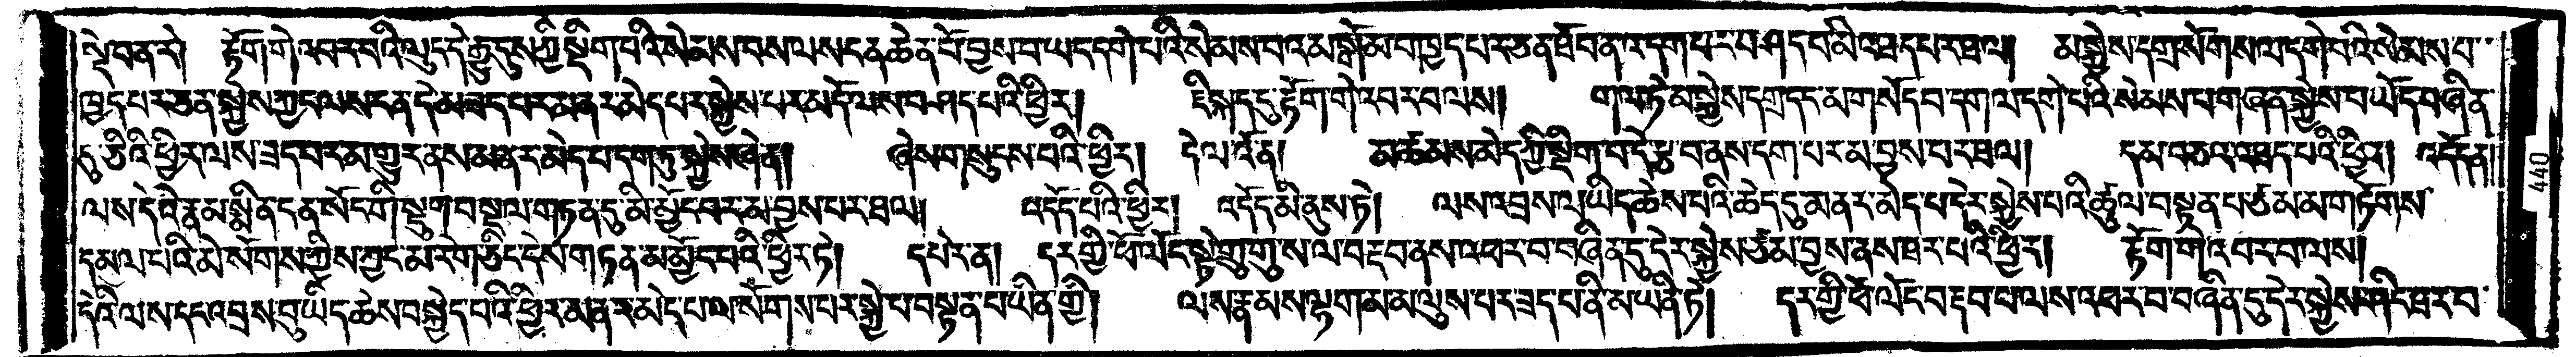སྡེ་བ་ན་རེ། རྟོག་གེ་འབར་བའི་ལུང་དེ་རྒྱུ་དུས་ཀྱི་སྡིག་པའི་སེམས་པས་ལས་ངན་ཆེན་པོ་བྱས་པ་ཡང་དགེ་པའི་སེམས་པའམ་སྒོམ་པ་ཁྱད་པར་ཅན་ཐོབ་ན་འདག་པར་བཤད་པ་མི་འཐད་པར་ཐལ། མ་སྐྱེས་དགྲ་སོགས་ལ་དགེ་བའི་སེམས་པ་
ཁྱད་པར་ཅན་སྐྱེས་ཀྱང་ལས་ངན་དེ་མ་ཟད་པར་མནར་མེད་པར་སྐྱེས་པར་མདོ་ལས་བཤད་པའི་ཕྱིར། ཇི་སྐད་དུ་རྟོག་གེ་འབར་བ་ལས། གལ་ཏེ་མ་སྐྱེས་དགྲ་དང་མ་གསོད་པ་དག་ལ་དགེ་པའི་སེམས་པ་གཞན་སྐྱེས་པ་ཡོད་བཞིན་
དུ་ཅིའི་ཕྱིར་ལས་ཟད་པར་མ་གྱུར་ནས་མནར་མེད་པ་དག་ཏུ་སྐྱེས་ཞེ་ན། ཞེས་གསུངས་པའི་ཕྱིར། དེ་ལ་འོ་ན། མཚམས་མེད་ཀྱི་སྡིག་པ་དེ་རྩ་བ་ནས་དག་པར་མ་བྱས་པར་ཐལ། དམ་བཅའ་འཐད་པའི་ཕྱིར། འདོད་ན།
ལས་དེའི་རྣམ་སྨིན་ངན་སོང་གི་སྡུག་བསྔལ་གཏན་དུ་མི་མྱོང་བར་མ་བྱས་པར་ཐལ། འདོད་པའི་ཕྱིར། འདོད་མི་ནུས་ཏེ། ལས་འབྲས་ལ་ཡིད་ཆེས་པའི་ཆེད་དུ་མནར་མེད་པ་དེར་སྐྱེས་པའི་ཚུལ་བསྟན་པ་ཙམ་མ་གཏོགས་
དམྱལ་བའི་མེ་སོགས་ཀྱིས་ཀྱང་མ་རིག་ཅིང་དེས་གཏན་མ་མྱོང་པའི་ཕྱིར་ཏེ། དཔེར་ན། དར་གྱི་ཕོ་ལོང་སྟེ་གྲུ་གུ་ས་ལ་བརྡབ་ནས་འཕར་བ་བཞིན་དུ་དེར་སྐྱེས་ཙམ་བྱས་ནས་ཐར་པའི་ཕྱིར། རྟོག་གེ་འབར་བ་ལས།
དེའི་ལས་དང་འབྲས་བུ་ཡིད་ཆེས་བསྐྱེད་པའི་ཕྱིར་མནར་མེད་པ་ལ་སོགས་པར་སྐྱེ་པ་བསྟན་པ་ཡིན་གྱི། ལས་རྣམས་ལྷག་མ་མ་ལུས་པར་ཟད་པ་ནི་མ་ཡིན་ཏེ། དར་གྱི་ཕོ་ལོང་བརྡབ་པ་ལས་འཕར་བ་བཞིན་དུ་དེར་སྐྱེས་ཤིང་ཐར་བ་